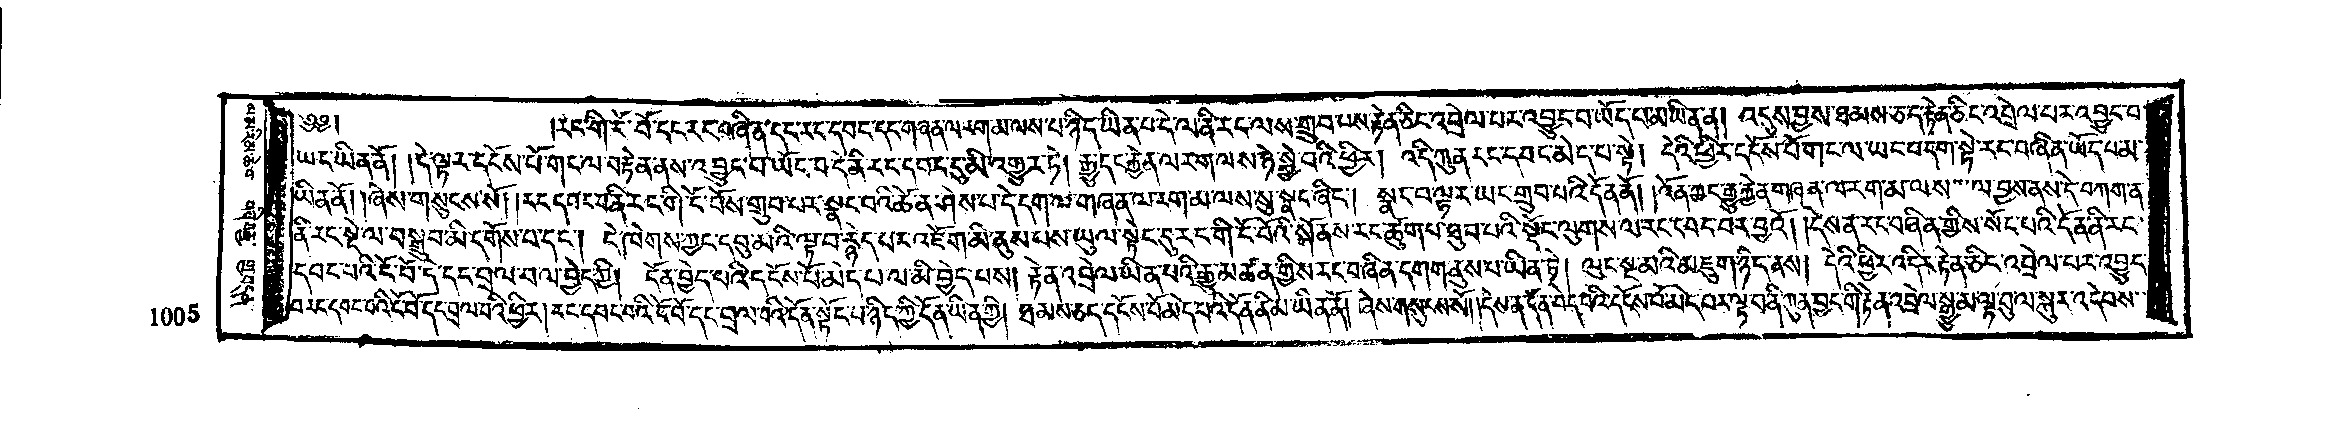༄༅། །རང་གི་ངོ་བོ་དང་རང་བཞིན་དང་རང་དབང་དང་གཞན་ལ་རག་མ་ལས་པ་ཉིད་ཡིན་པ་དེ་ལ་ནི་རང་ལས་གྲུབ་པས་རྟེན་ཅིང་འབྲེལ་པར་འབྱུང་བ་ཡོད་པ་མ་ཡིན་ན། འདུས་བྱས་ཐམས་ཅད་རྟེན་ཅིང་འབྲེལ་པར་འབྱུང་བ་
ཡང་ཡིན་ནོ། །དེ་ལྟར་དངོས་པོ་གང་ལ་བརྟེན་ནས་འབྱུང་བ་ཡོད་པ་དེ་ནི་རང་དབང་དུ་མི་འགྱུར་ཏེ། རྒྱུ་དང་རྐྱེན་ལ་རག་ལས་ཏེ་སྐྱེ་བའི་ཕྱིར། འདི་ཀུན་རང་དབང་མེད་པ་སྟེ། དེའི་ཕྱིར་དངོས་པོ་གང་ལ་ཡང་བདག་སྟེ་རང་བཞིན་ཡོད་པ་མ་
ཡིན་ནོ། །ཞེས་གསུངས་སོ། །རང་དབང་བ་ནི་རང་གི་ངོ་བོས་གྲུབ་པར་སྣང་བའི་ཚེ་ན་ཤེས་པ་དེ་དག་ལ་གཞན་ལ་རག་མ་ལས་སུ་སྣང་ཞིང་། སྣང་བ་ལྟར་ཡང་གྲུབ་པའི་དོན་ནོ། །འོན་ཀྱང་རྒྱུ་རྐྱེན་གཞན་ལ་རག་མ་ལས་ལ་བྱས་ནས་དེ་བཀག་ན་
ནི་རང་སྡེ་ལ་བསྒྲུབ་མི་དགོས་པ་དང་། དེ་ཁེགས་ཀྱང་དབུ་མའི་ལྟ་བ་རྙེད་པར་འཇོག་མི་ནུས་པས་ཡུལ་སྟེང་དུ་རང་གི་ངོ་བོའི་སྒོ་ནས་རང་ཚུགས་ཐུབ་པའི་སྡོད་ལུགས་ལ་རང་དབང་བར་བྱའོ། །དེས་ན་རང་བཞིན་གྱིས་སྟོང་པའི་དོན་ནི་རང་
དབང་བའི་ངོ་བོ་དེ་དང་བྲལ་བ་ལ་བྱེད་ཀྱི། དོན་བྱེད་པའི་དངོས་པོ་མེད་པ་ལ་མི་བྱེད་པས། རྟེན་འབྲེལ་ཡིན་པའི་རྒྱུ་མཚན་གྱིས་རང་བཞིན་དགག་ནུས་པ་ཡིན་ཏེ། ལུང་སྔ་མའི་མཇུག་ཉིད་ནས། དེའི་ཕྱིར་འདིར་རྟེན་ཅིང་འབྲེལ་པར་འབྱུང་
བ་རང་དབང་བའི་ངོ་བོ་དང་བྲལ་བའི་ཕྱིར། རང་དབང་བའི་ངོ་བོ་དང་བྲལ་བའི་དོན་སྟོང་པ་ཉིད་ཀྱི་དོན་ཡིན་གྱི། ཐམས་ཅད་དངོས་པོ་མེད་པའི་དོན་ནི་མ་ཡིན་ནོ། །ཞེས་གསུངས་སོ། །དེས་ན་དོན་བྱེད་པའི་དངོས་པོ་མེད་པར་ལྟ་བ་ནི་ཀུན་བྱང་གི་རྟེན་འབྲེལ་སྒྱུ་མ་ལྟ་བུ་ལ་སྐུར་འདེབས་